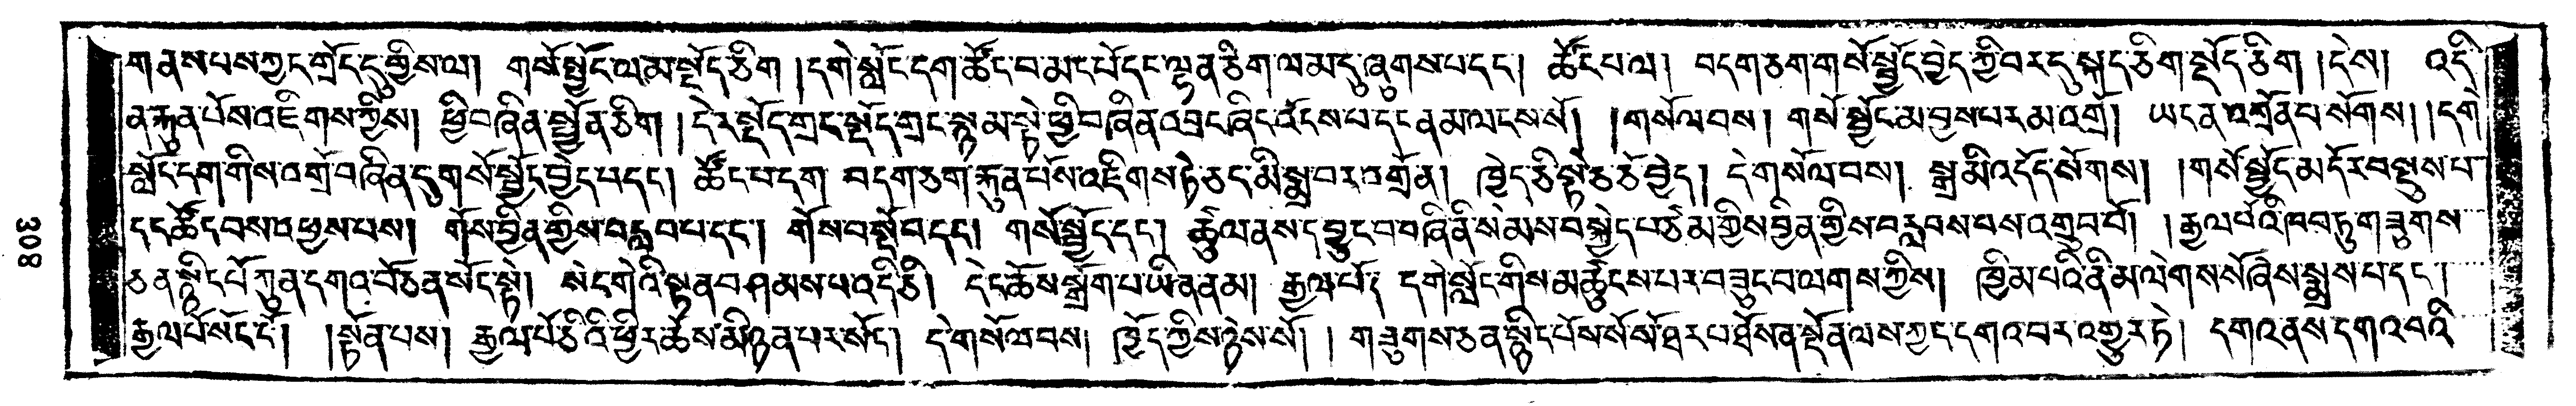གནས་པས་ཀྱང་གྲོང་དུ་གྱིས་ལ། གསོ་སྦྱོང་ལ་མ་སྡོད་ཅིག །དགེ་སློང་དག་ཚོང་བ་མང་པོ་དང་ལྷན་ཅིག་ལམ་དུ་ཞུགས་པ་དང་། ཚོང་པ་ལ། བདག་ཅག་གསོ་སྦྱོང་བྱེད་ཀྱི་བར་དུ་སྐད་ཅིག་སྡོད་ཅིག །དེས། འདི་
ན་རྐུན་པོས་འཇིགས་ཀྱིས། ཕྱི་བཞིན་སྦྱོན་ཅིག །དེར་སྡོད་གྲང་སྡོད་གྲང་སྙམ་སྟེ་ཕྱི་བཞིན་འབྲང་ཞིང་འོངས་པ་དང་ནམ་ལངས་སོ། །གསོལ་བས། གསོ་སྦྱོང་མ་བྱས་པར་མ་འགྲོ། ཡང་ན་འགྲོན་པ་སོགས། །དགེ་
སློང་དག་གིས་འགྲོ་བཞིན་དུ་གསོ་སྦྱོང་བྱེད་པ་ད་ང་། ཚོང་པ་དག་བདག་ཅག་རྐུན་པོས་འཇིགས་ཏེ་ཅང་མི་སྨྲ་བར་འགྲོ་ན། ཁྱེད་ཅི་སྟེ་ཅ་ཅོ་བྱེད། དེ་གསོལ་བས། སྒྲ་མི་འདོད་སོགས། །གསོ་སྦྱོང་མདོར་བསྡུས་པ་
དང་ཚོང་བས་འཕྱས་པས། གོས་བྱིན་གྱིས་བརླབ་པ་དང་། གོས་བསྡོ་བ་དང་། གསོ་སྦྱོང་དང་། ཚུལ་ནས་དེ་བྱུང་བ་བཞི་ནི་སེམས་བསྐྱེད་པ་ཙམ་གྱིས་བྱིན་གྱིས་བརླབས་པས་འགྲུབ་བོ། །རྒྱལ་པོའི་ཁབ་ཏུ་གཟུགས་
ཅན་སྙིང་པོ་ཀུན་དགའ་བོ་ཅན་སོང་སྟེ། སེང་གེའི་སྟན་བཤམས་པ་འདི་ཅི། དེང་ཆོས་སྒྲོག་པ་ཡིན་ནམ། རྒྱལ་པོ༑ དགེ་སློང་གིས་མཚུངས་པར་བཟུང་བ་ལགས་ཀྱིས། ཁྱིམ་པའི་ནི་མ་ལེགས་སོ་ཞེས་སྨྲས་པ་དང་།
རྒྱལ་པོ་སོང་ངོ། །སྟོན་པས། རྒྱལ་པོ་ཅིའི་ཕྱིར་ཚེས་མི་ཉན་པར་སོང་། དེ་གསོལ་བས། ཁྱོད་ཀྱིས་ཉེས་སོ། །གཟུགས་ཅན་སྙིང་པོས་སོ་སོ་ཐར་པ་ཐོས་ན་སྔོན་ལས་ཀྱང་དགའ་བར་འགྱུར་ཏེ། དགའ་ནས་དགའ་བའི་